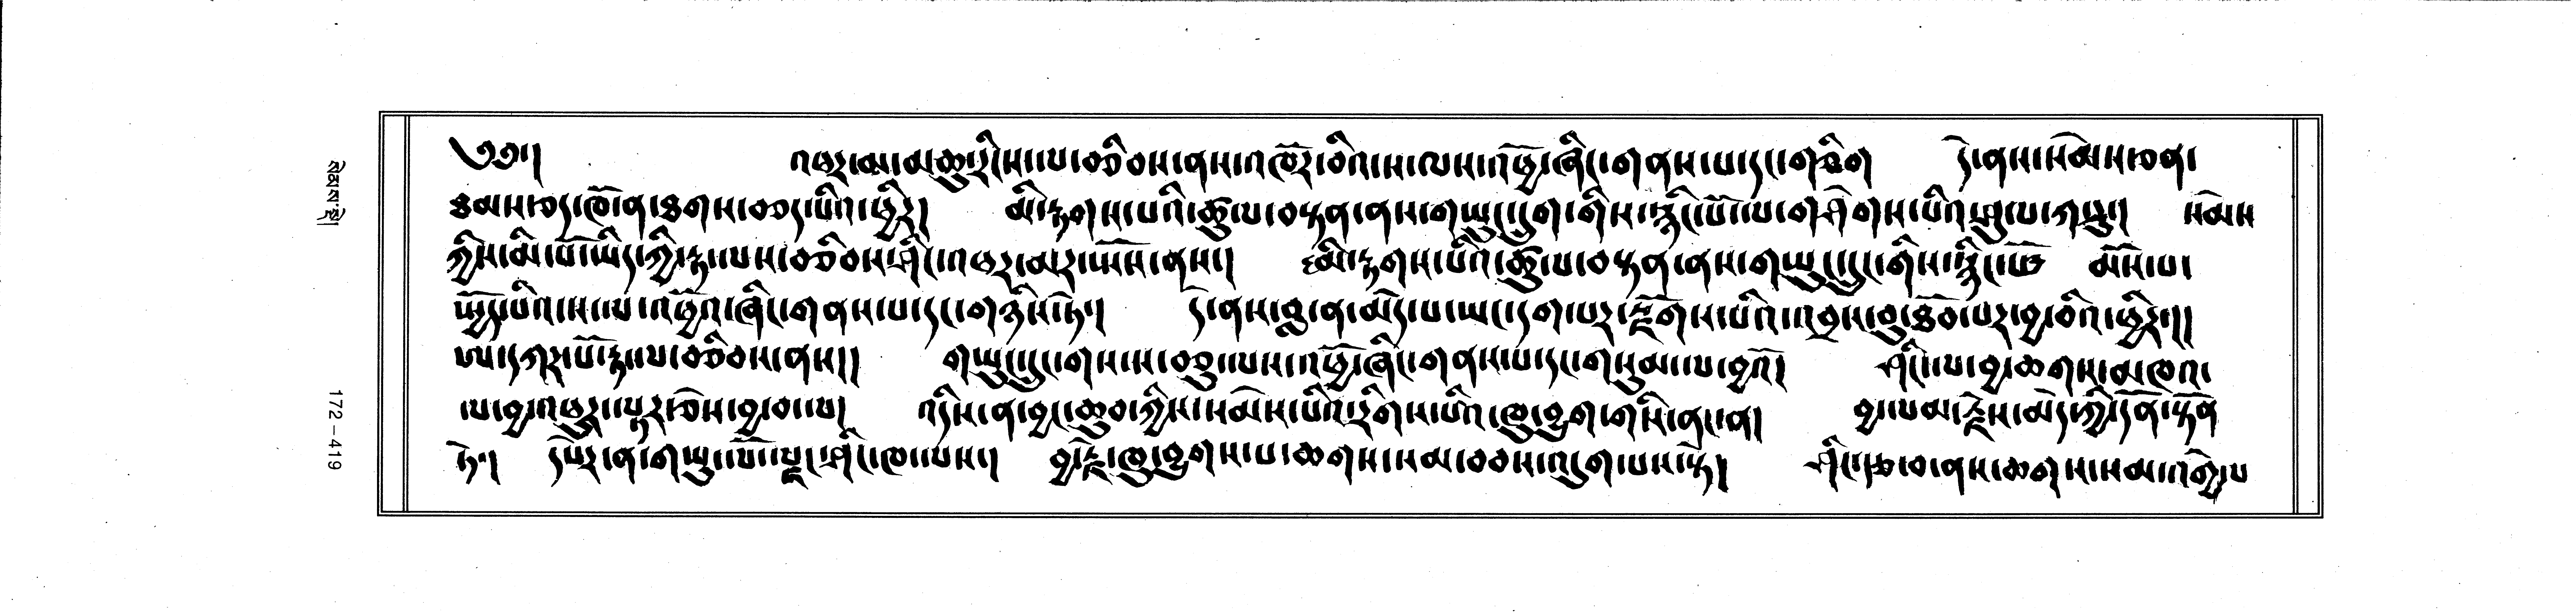འཕར་མ་མཆུ་རིངས་ལ་བཅིབས་ནས་འཁོར་བའི་ས་ལས་འཕྱོ་ཞིང་གནས་པ་དང་གཅིག དེ་ནས་སེམས་ཅན་
ཐམས་ཅད་ཁོ་ན་ཐགས་བཅད་པའི་ཕྱིར། མི་རྟག་པའི་ཚུལ་བསྟན་ནས་གཡུང་དྲུག་གིས་སྙིང་པོ་ལ་གཤེགས་པའི་ཤུལ་ཀ་རུ། སེམས་
ཀྱིས་མི་པོ་ཡིད་ཀྱི་རྟ་ལ་བཅིབས་ཤིང་འཕར་མར་སྤོས་ནས། མི་རྟགས་པའི་ཚུལ་བསྟན་ནས་གཡུང་དྲུང་གིས་སྙིང་པོ། མོས་པ་
སྤྱོད་པའི་ས་ལ་འཕྱོའ་ཞིང་གནས་པ་དང་གཉིས་ཏེ། དེ་ནས་བླ་ན་མེད་པ་ཡང་དག་པར་རྫོགས་པའི་འབྲས་བུ་ཐོབ་པར་བྱ་བའི་ཕྱིར། 
ཨ་དཀར་པོ་རྟ་ལ་བཅིབས་ནས། གཡུང་དྲུང་གིས་ས་བཅུ་ལས་འཕྱོ་ཞིང་གནས་པ་དང་གསུམ་ལ་བྱའོ། ཤིང་ལ་བྱ་ཆགས་མཁའ་
ལ་བྱ་འཕུར་ལྟར་ཅེས་བྱ་བ་ལ། འདིས་ན་བྱང་ཆུབ་ཀྱིས་སེམས་པའི་རིགས་པའི་ཁུ་བྱུག་གིས་ནང་ན། བྱ་ལམ་རྗེས་མེད་ཀྱི་དོན་སྟོན་
ཏེ། དཔེར་ན་གཡུ་ལོ་ལྗང་ཤིང་ཁ་ལས། བྱ་རྗེ་ཁུ་བྱུག་པ་ཆགས་སམ་བབས་འདུག་པས་སྟེ། ཤིང་རྩ་བ་ནས་ཆགས་སམ་འགྱེལ་